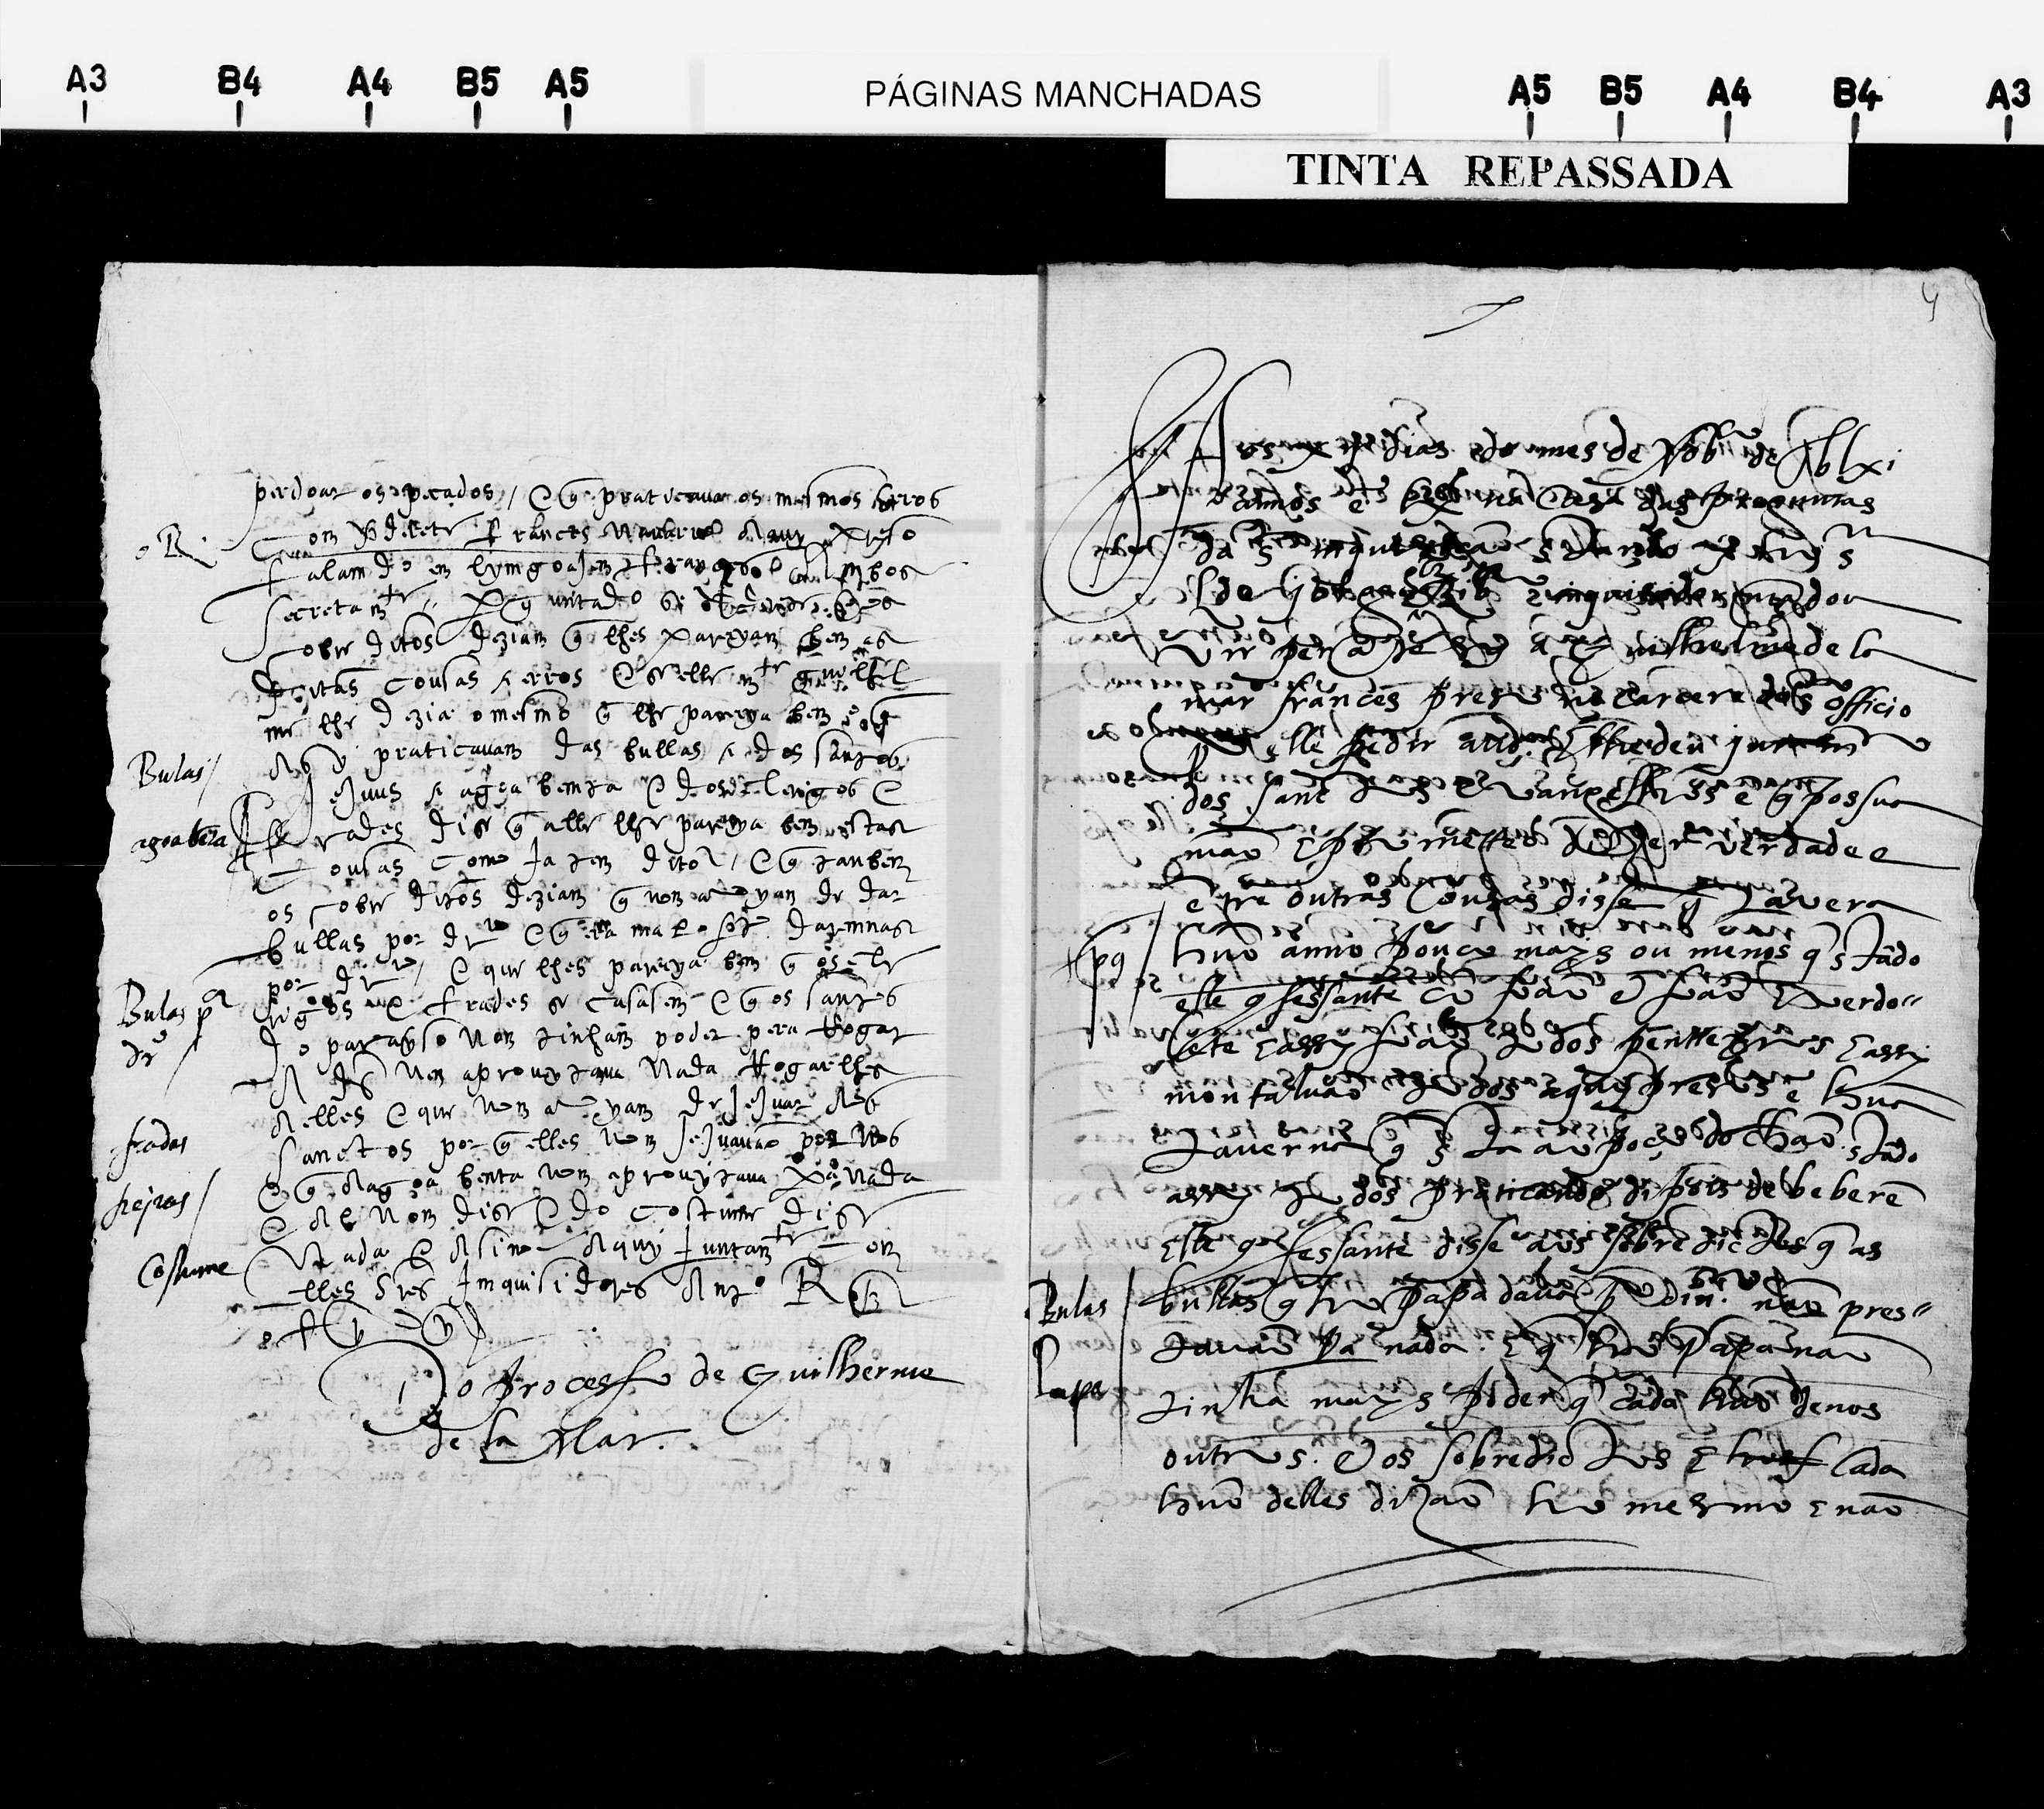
o R.
Bulas
agoa bēta
Bulas pa
dro
frades
frejras
Costume
perdoar os pecados / e q̄ praticaua os mesmos Erros
Com ꝟdolete frances nauarro Aquy preso
falamdo em lymgoaJem frances Ambos
secretamte /. ꝑguntado se ꝟd_ete os
sobreditōs deziam q̅ lhes parecyam bem as
ditās cousas e erros e se elle mte guilhel
me lhe dezia o mesmo q̄ lhe parecya bem o q̅
Asy praticauam das bullas e dos santos
e JeJuus e agoa bemta e dos clerigos e
frades dise q̄ a elle lhe parecya bem estar
Cousas como Ja tem ditō / e q̄ tanbem
os sobreditōs deziam q̄ nom avyam de dar
bullas por drro e q̅ era mal fto darem nas
por drro / e que lhes parecya bem q̄ os cle
rigos e frades se casasem e q̄ os santos
do parayso nom tinham poder pera Rogar
A ds̄ nem aproueytaua nada Rogarlhes
A elles e que nom avyam de JeJuar Aos
Sanctos porq̅ elles nom JeJuauão por nos
e q̅ A agoa benta nom aproueytaua ꝑa nada
e Al nom dise e do costume dise
Nada e Asinou Aquy Juntamte Com
elles Srēs Jmquisidores Anto Rojz̄
o stp̄vy
Do processo de Guilherme
de la Mar.
Aos xij dias do mes de Nobro de j̄ blxi
annos ē Lx na casa das preguntas
da sta inquisiçaõ stando y ho sor
Ldo jorge Ribro inquisidor mādou
vir perāte sy a guilherme de la
mar frances preso no carcere do sto officio
p̄o elle pedir aud.a E lhe deu juramto
dos sanctos evangelhos e̅ q̅ pos sua
mão E prometteo dizer verdade e
ētre outras Cousas dise q̄ havera
huo anno pouco mais ou menos q̄ stādo
tp̄ꝯ
elle ꝯfessante cō foaõ e foaõ E verdo
lete E assy foaõ todos pēntteyros E assy
montaluaõ todos aquy presos ē huā
tauerna q̄ sta ao poço do chaõ stāndo
assy todos praticando depois de beberē
Elle ꝯfessante disse aos sobredictos q̄ as
bullas q̄ ho papa daua p̄o din.ro naõ pres
Bulas
tauão ꝑa nada E q̄ ho papa naõ
Papa
tinha mays poder q̄ cada huō de nos
outros e os sobredictos E huas cada
hūo delles diraõ ho mesmo E naõ
